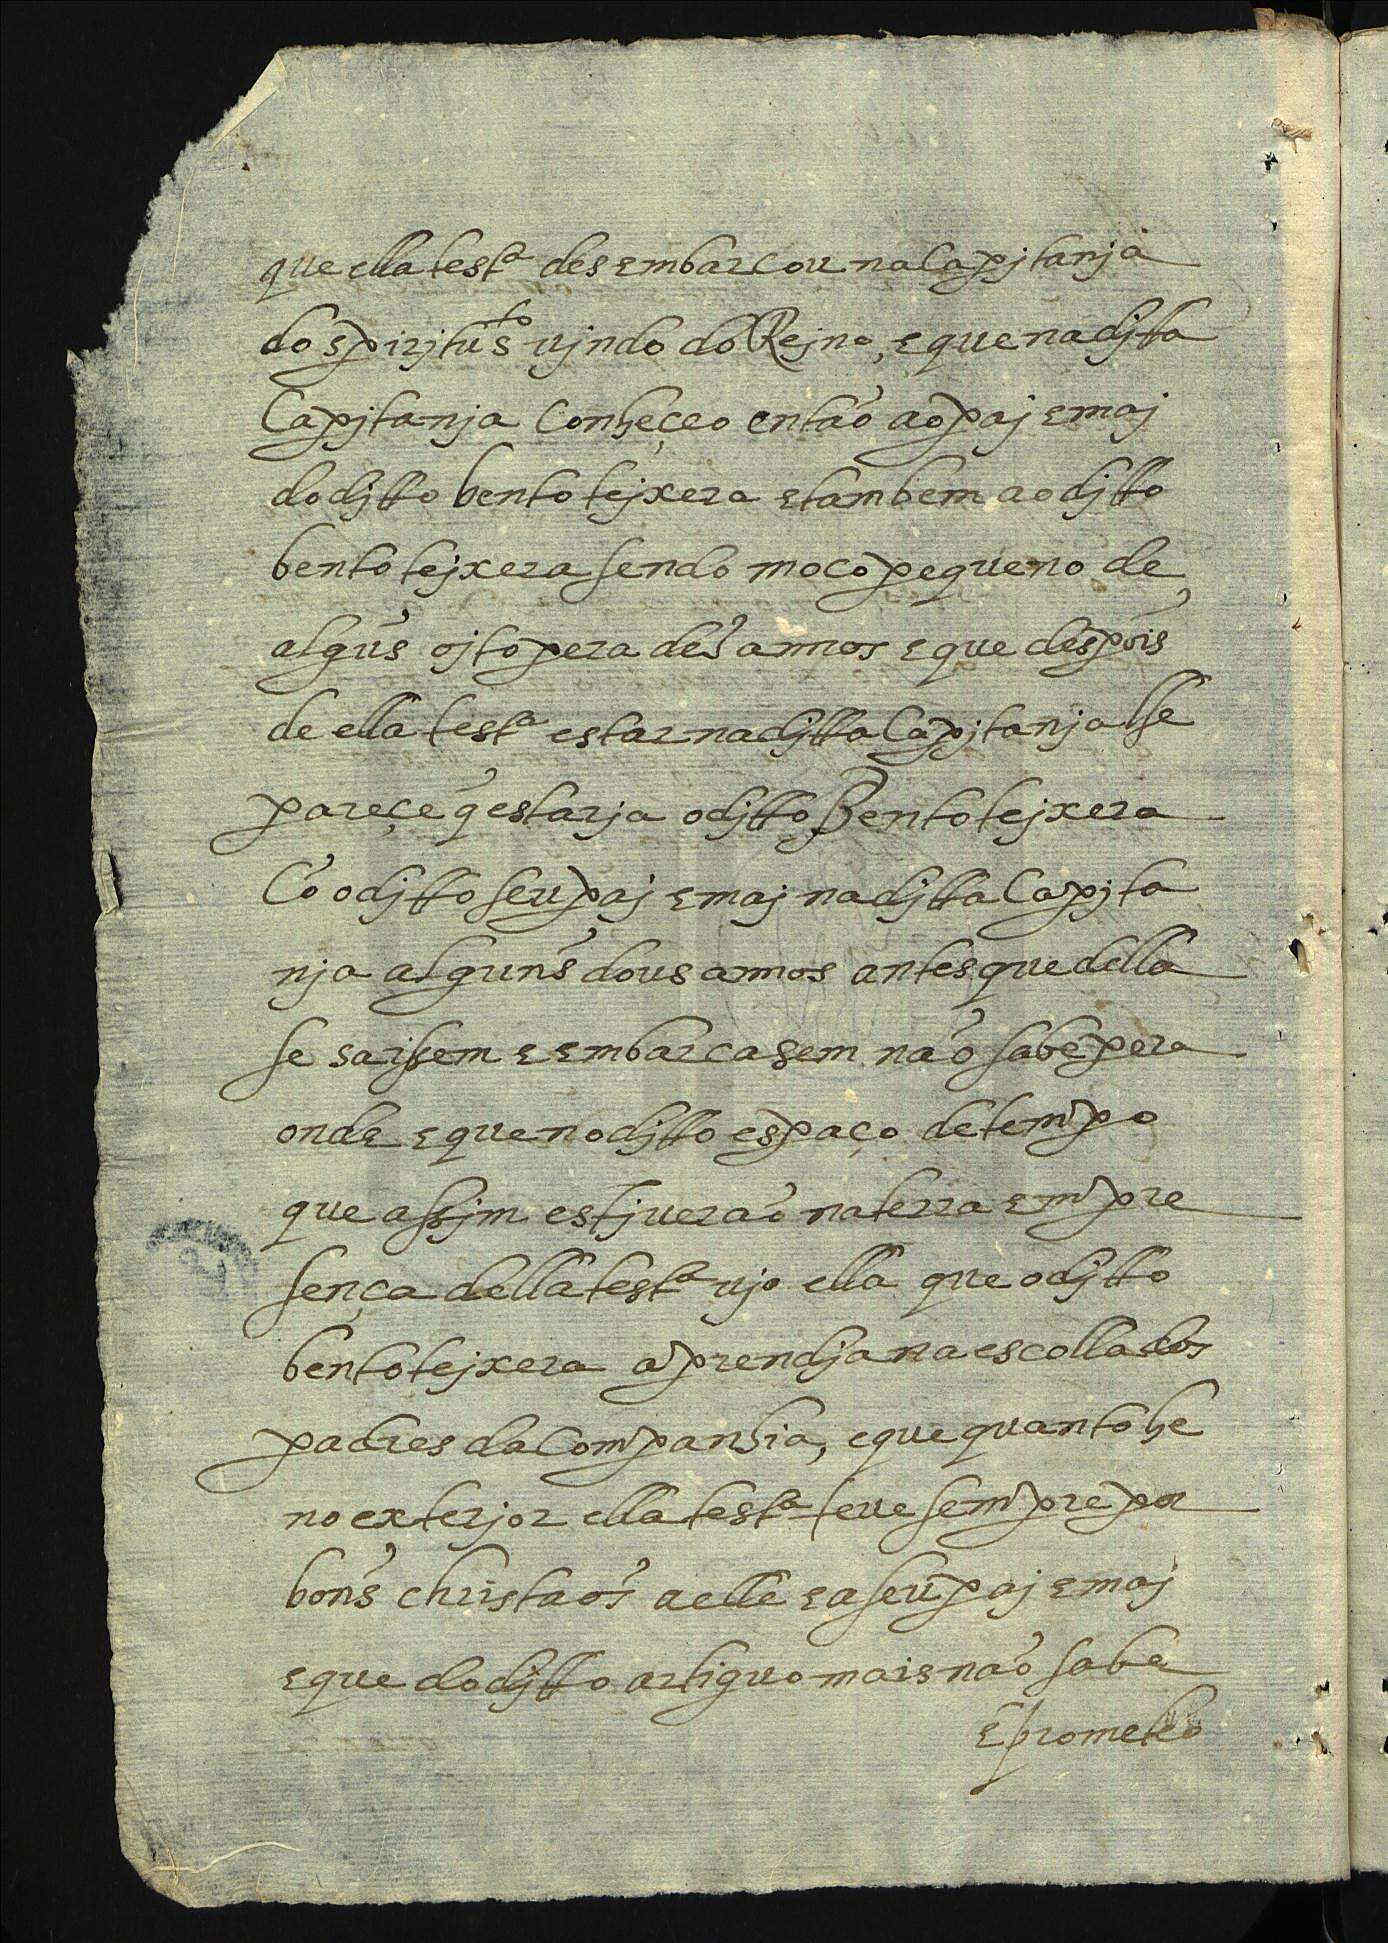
que ella testa desEmbarcou na Capjtanja
do spirjtu sto ujndo do Rejno, E que na djtta
Capjtanja Conheçeo entaõ ao paj E maj
do djtto bento tejxera E tambem ao djtto
bento tejxera sendo moco pequeno de
algūs ojto pera dez annos E que despoīs
de ella testa estar na djtta Capjtanja lhe
pareçe q̄ estarja o djtto Bento tejxera
Cō o djtto seu paj E maj na djtta Capjta
nja alguns dous anos antes que della
se saissem E Embarcassem naõ sabe pera
onde E que no djtto espaço de tempo
que assjm estjueraõ na terra Em pre
sença della testa ujo ella que o djtto
bento tejxera aprendja na escolla dos
padres da Companhia, e que quanto he
no exterjor ella testa teue sempre por
bons̄ christaos̄ a elle E a seu paj E maj
E que do djtto artiguo mais naõ sabe
E prometeo
